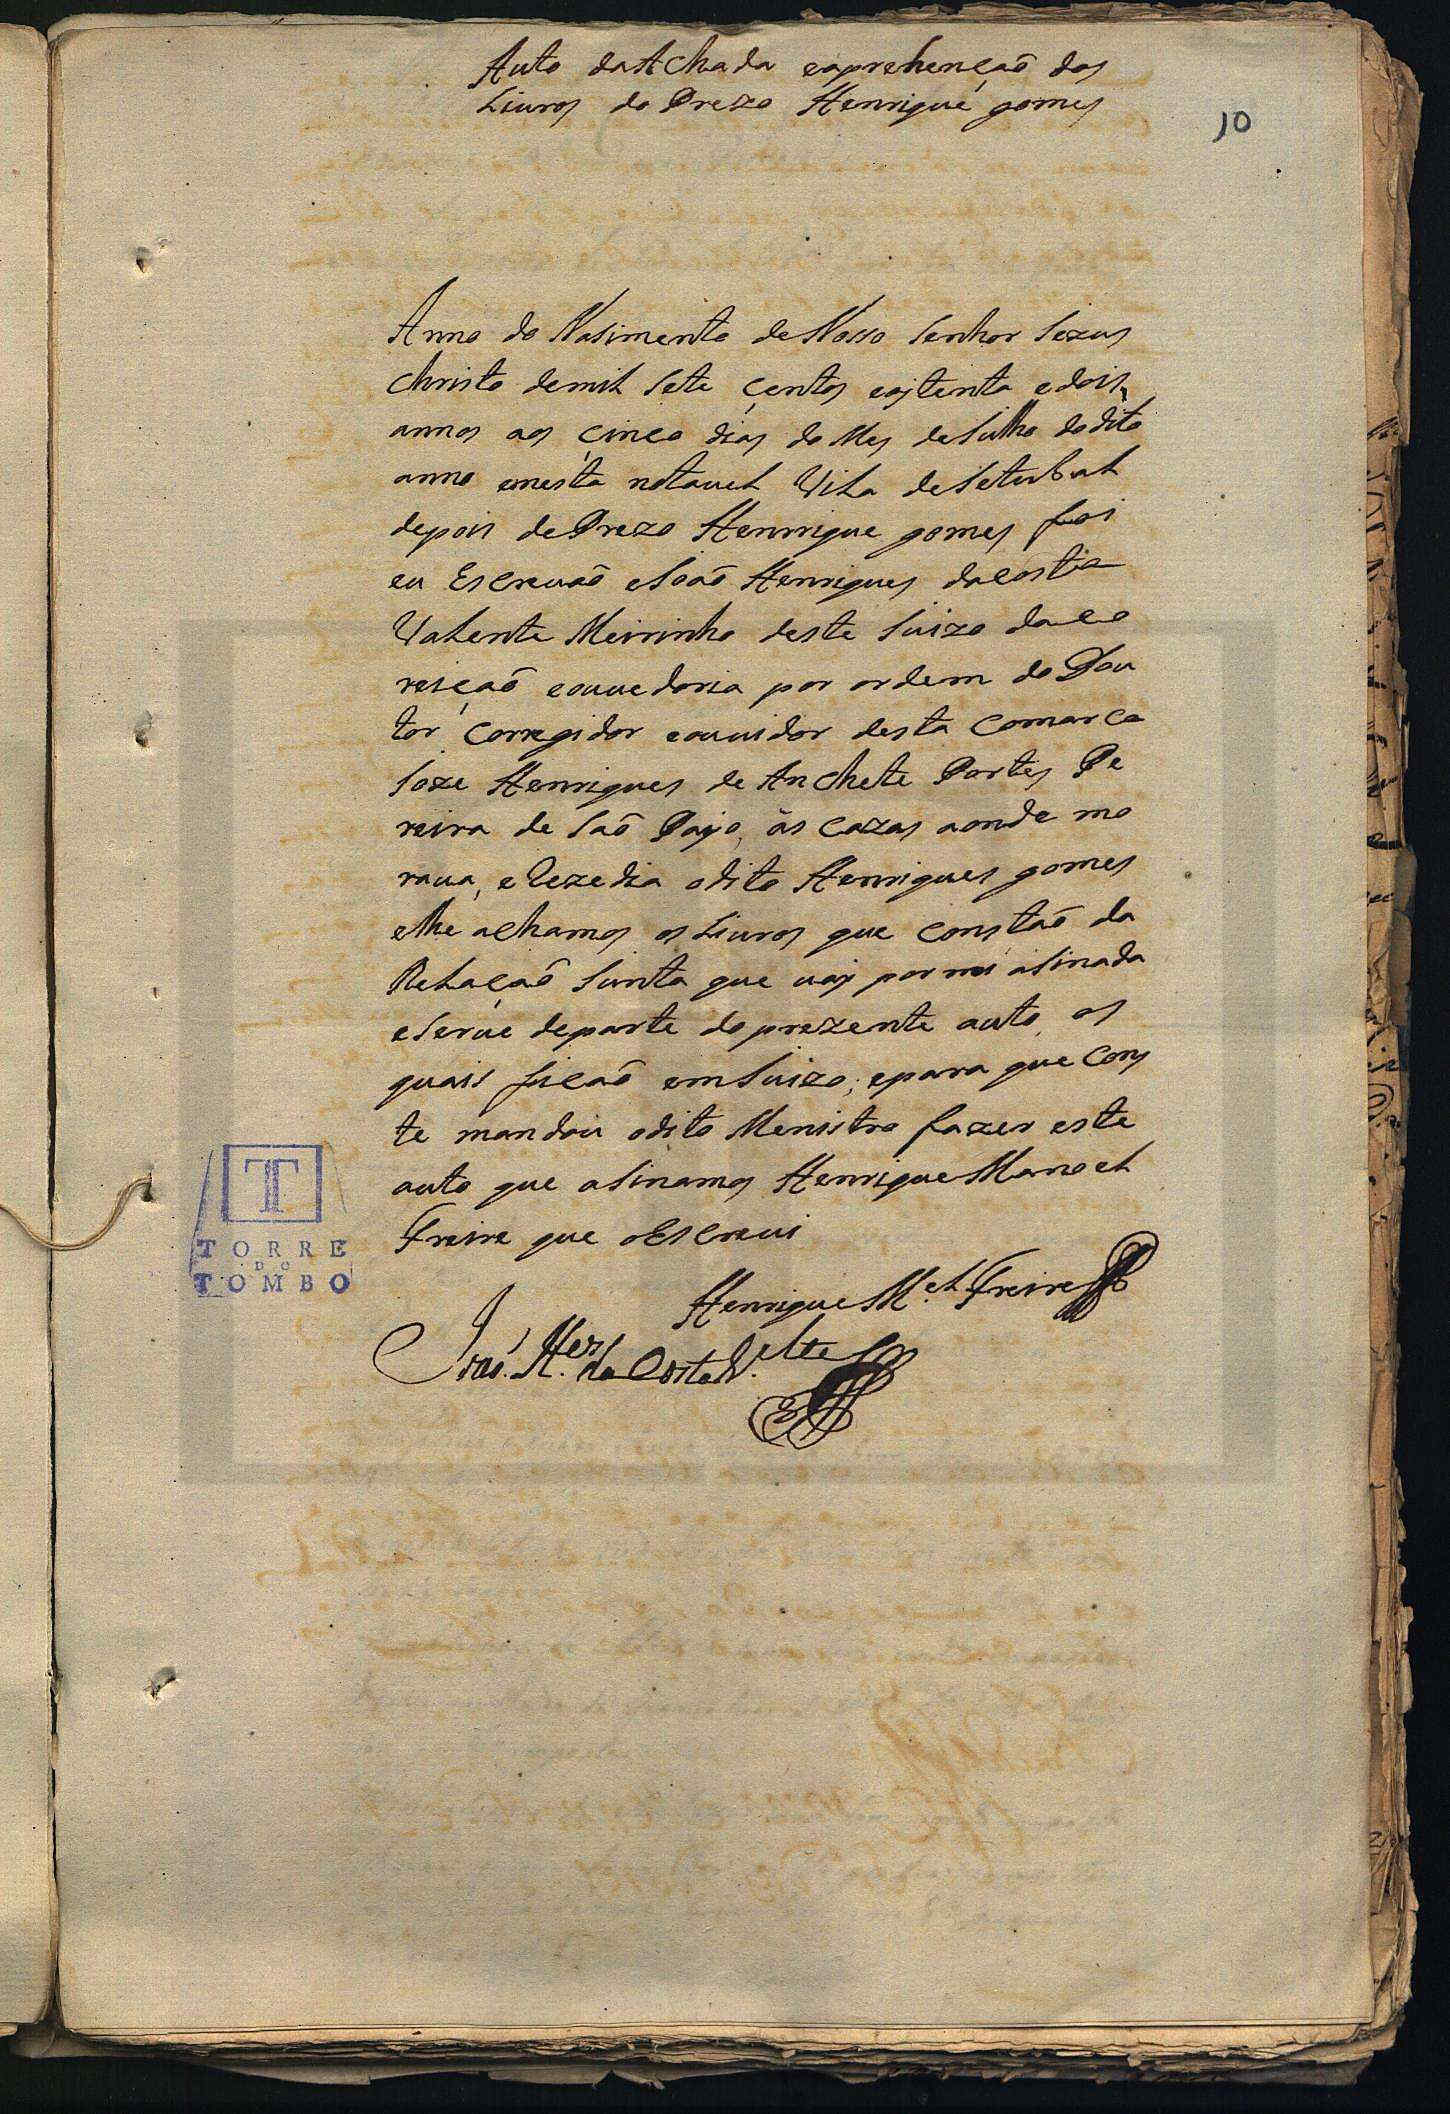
Auto da Achada e aprehenção dos
Liuros do Prezo Henrique Gomes
Anno do Nascimento de Nosso Senhor Iezus
Christo de mil seteçentos e oitenta e dois
annos aos çinco dias do Mes de Iulho do dito
anno em esta notauel Vila de Setubal
depois de Prezo Henrrique gomes foi
eu Escreuão e Ioão Henriques da costa
Valente Meirinho deste Iuizo da co
reicaõ e ouuedoria por ordem do Dou
tor Corregidor e ouuidor desta Comarca
Ioze Henriques de Anchete Portes Pe
reira de Saõ Payo, às cazas aonde mo
raua, e Rezedia o dito Henriques gomes
e lhe achamos os Liuros que constão da
ReLação Iunta que uay por nos asinada
e serue de parte do prezente auto as
quais ficaõ em Iuizo; e para que cons
te mandou o dito Menistro fazer este
auto que asinamos Henrique Manoel
Freire que o Escreui
Henrique M.el Freire
Ioaõ H.es da Costa V.lte
10
